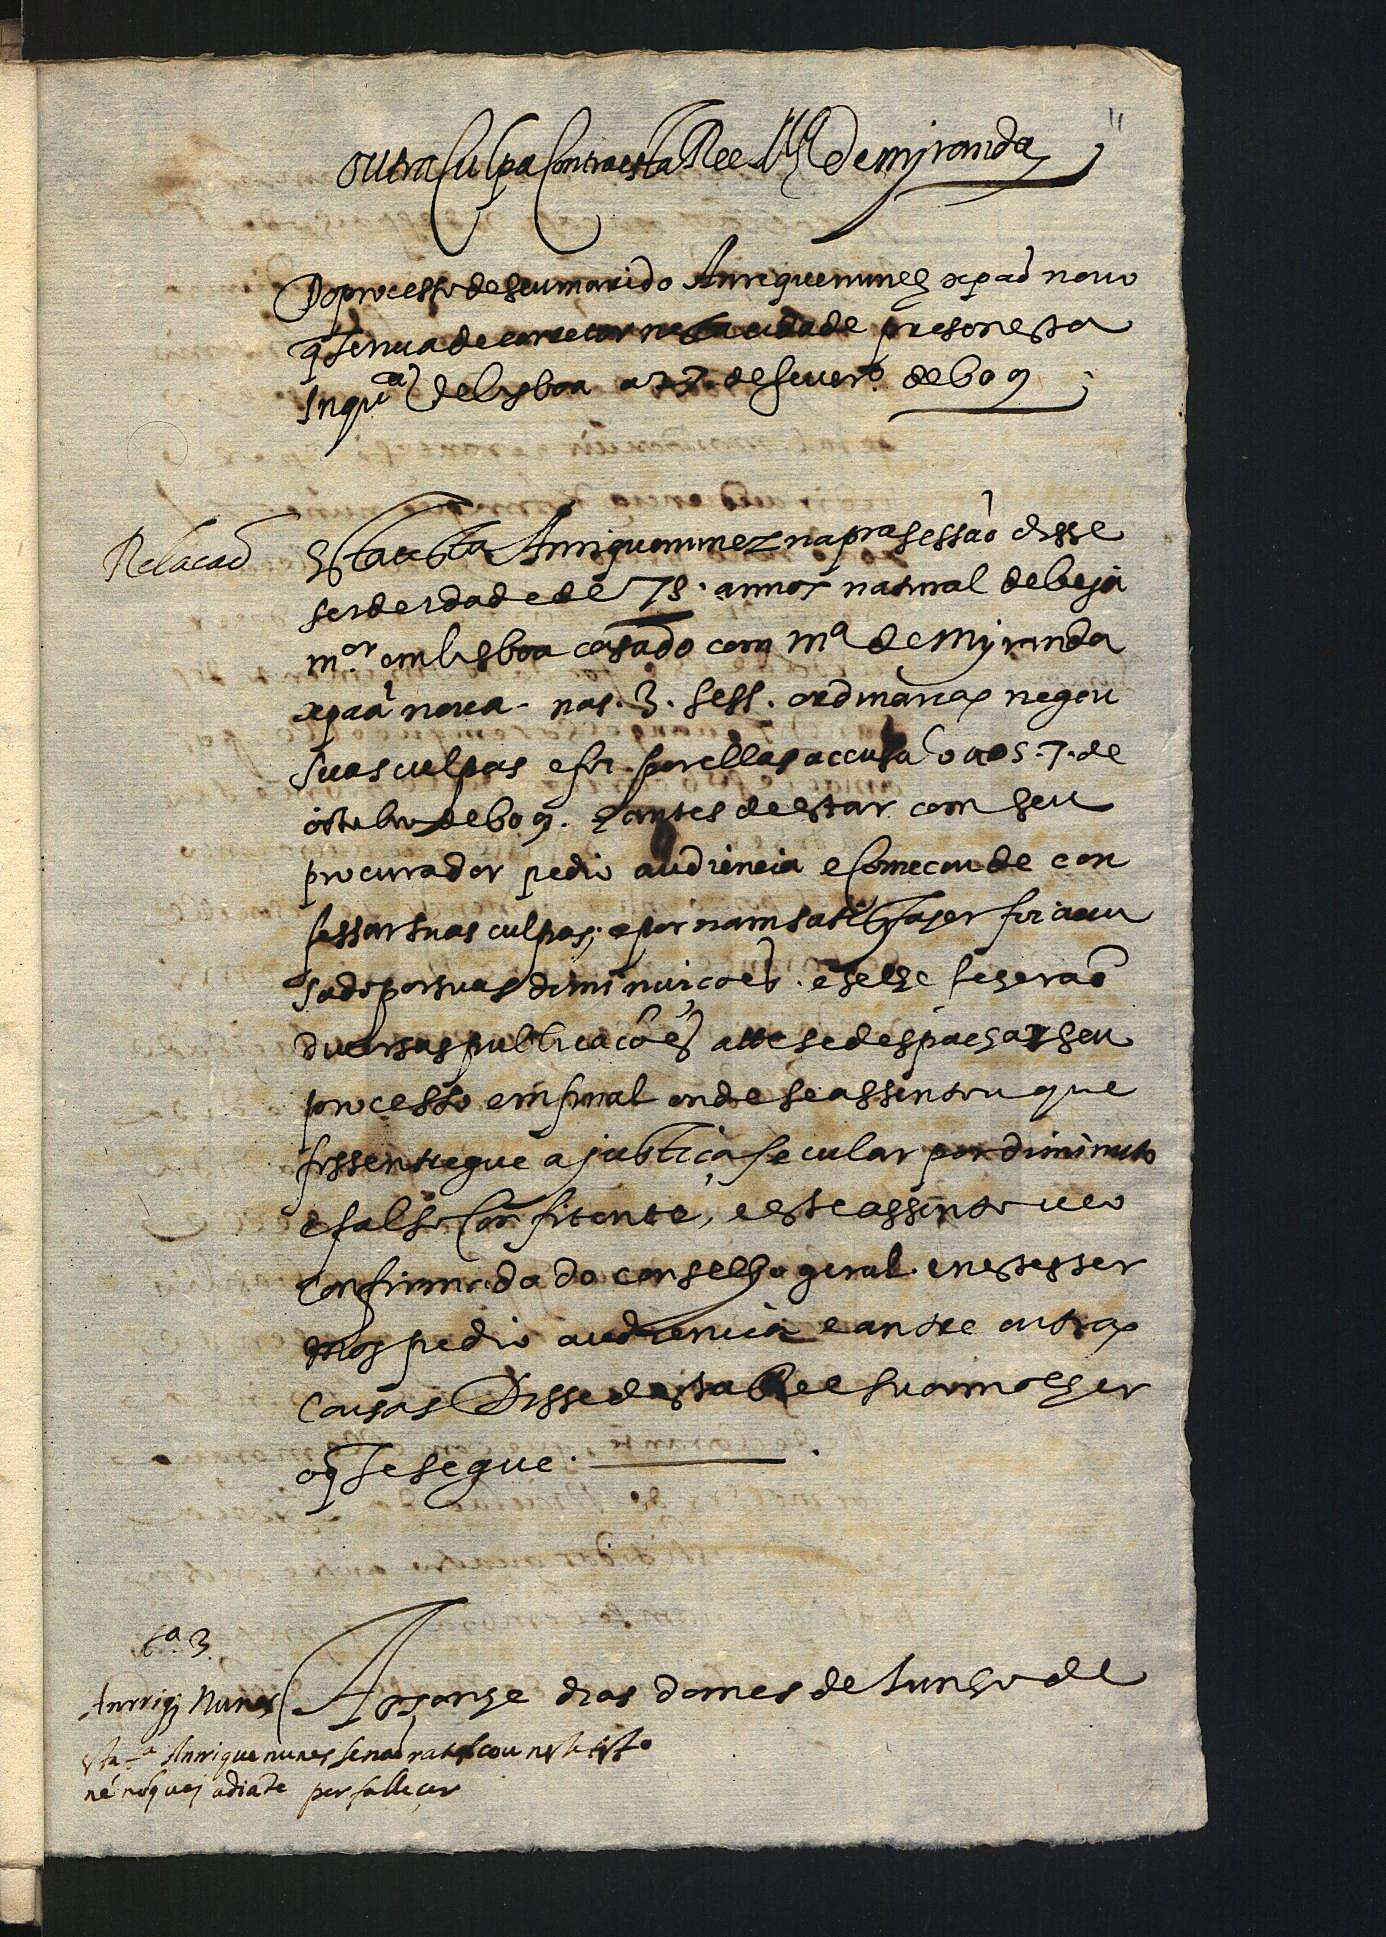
Outra Culpa Contra esta Ree Ma de mjranda
Do processo de seu marido Anrique nunez xpaõ nouo
q̄ seruia de corretor nesta cidade preso nesta
Inqucā de lisboa a 27 de feuero. de 609
Esta testa Anrique nunez na pra sessaõ disse
ser de idade de 73. annos natural de beja
m.or em lisboa casado com ma de myranda
xpaã noua. nas .3. sess. ordinarias negou
suas culpas e foi por ellas accusado aos .7. de
oitubro de 609. E antes de estar com seu
procurador pedio audiencia e Comecou de con
fessar suas culpas; e por nam satisfazer foi accu
sado por suas deminuiçoẽs. e se lhe fezeraõ
diuersas publicacões atte se despachar seu
processo em final onde se assentou que
fosse entregue a justiça secular por diminuto
e falso Confitente, e este assento ueo
confirmado do conselho geral. e nestes ter
mos pedio audiencia e antre outras
cousas Disse desta Ree sua molher
o q̄ se segue.
Aos onze dias do mes de Iunho de
